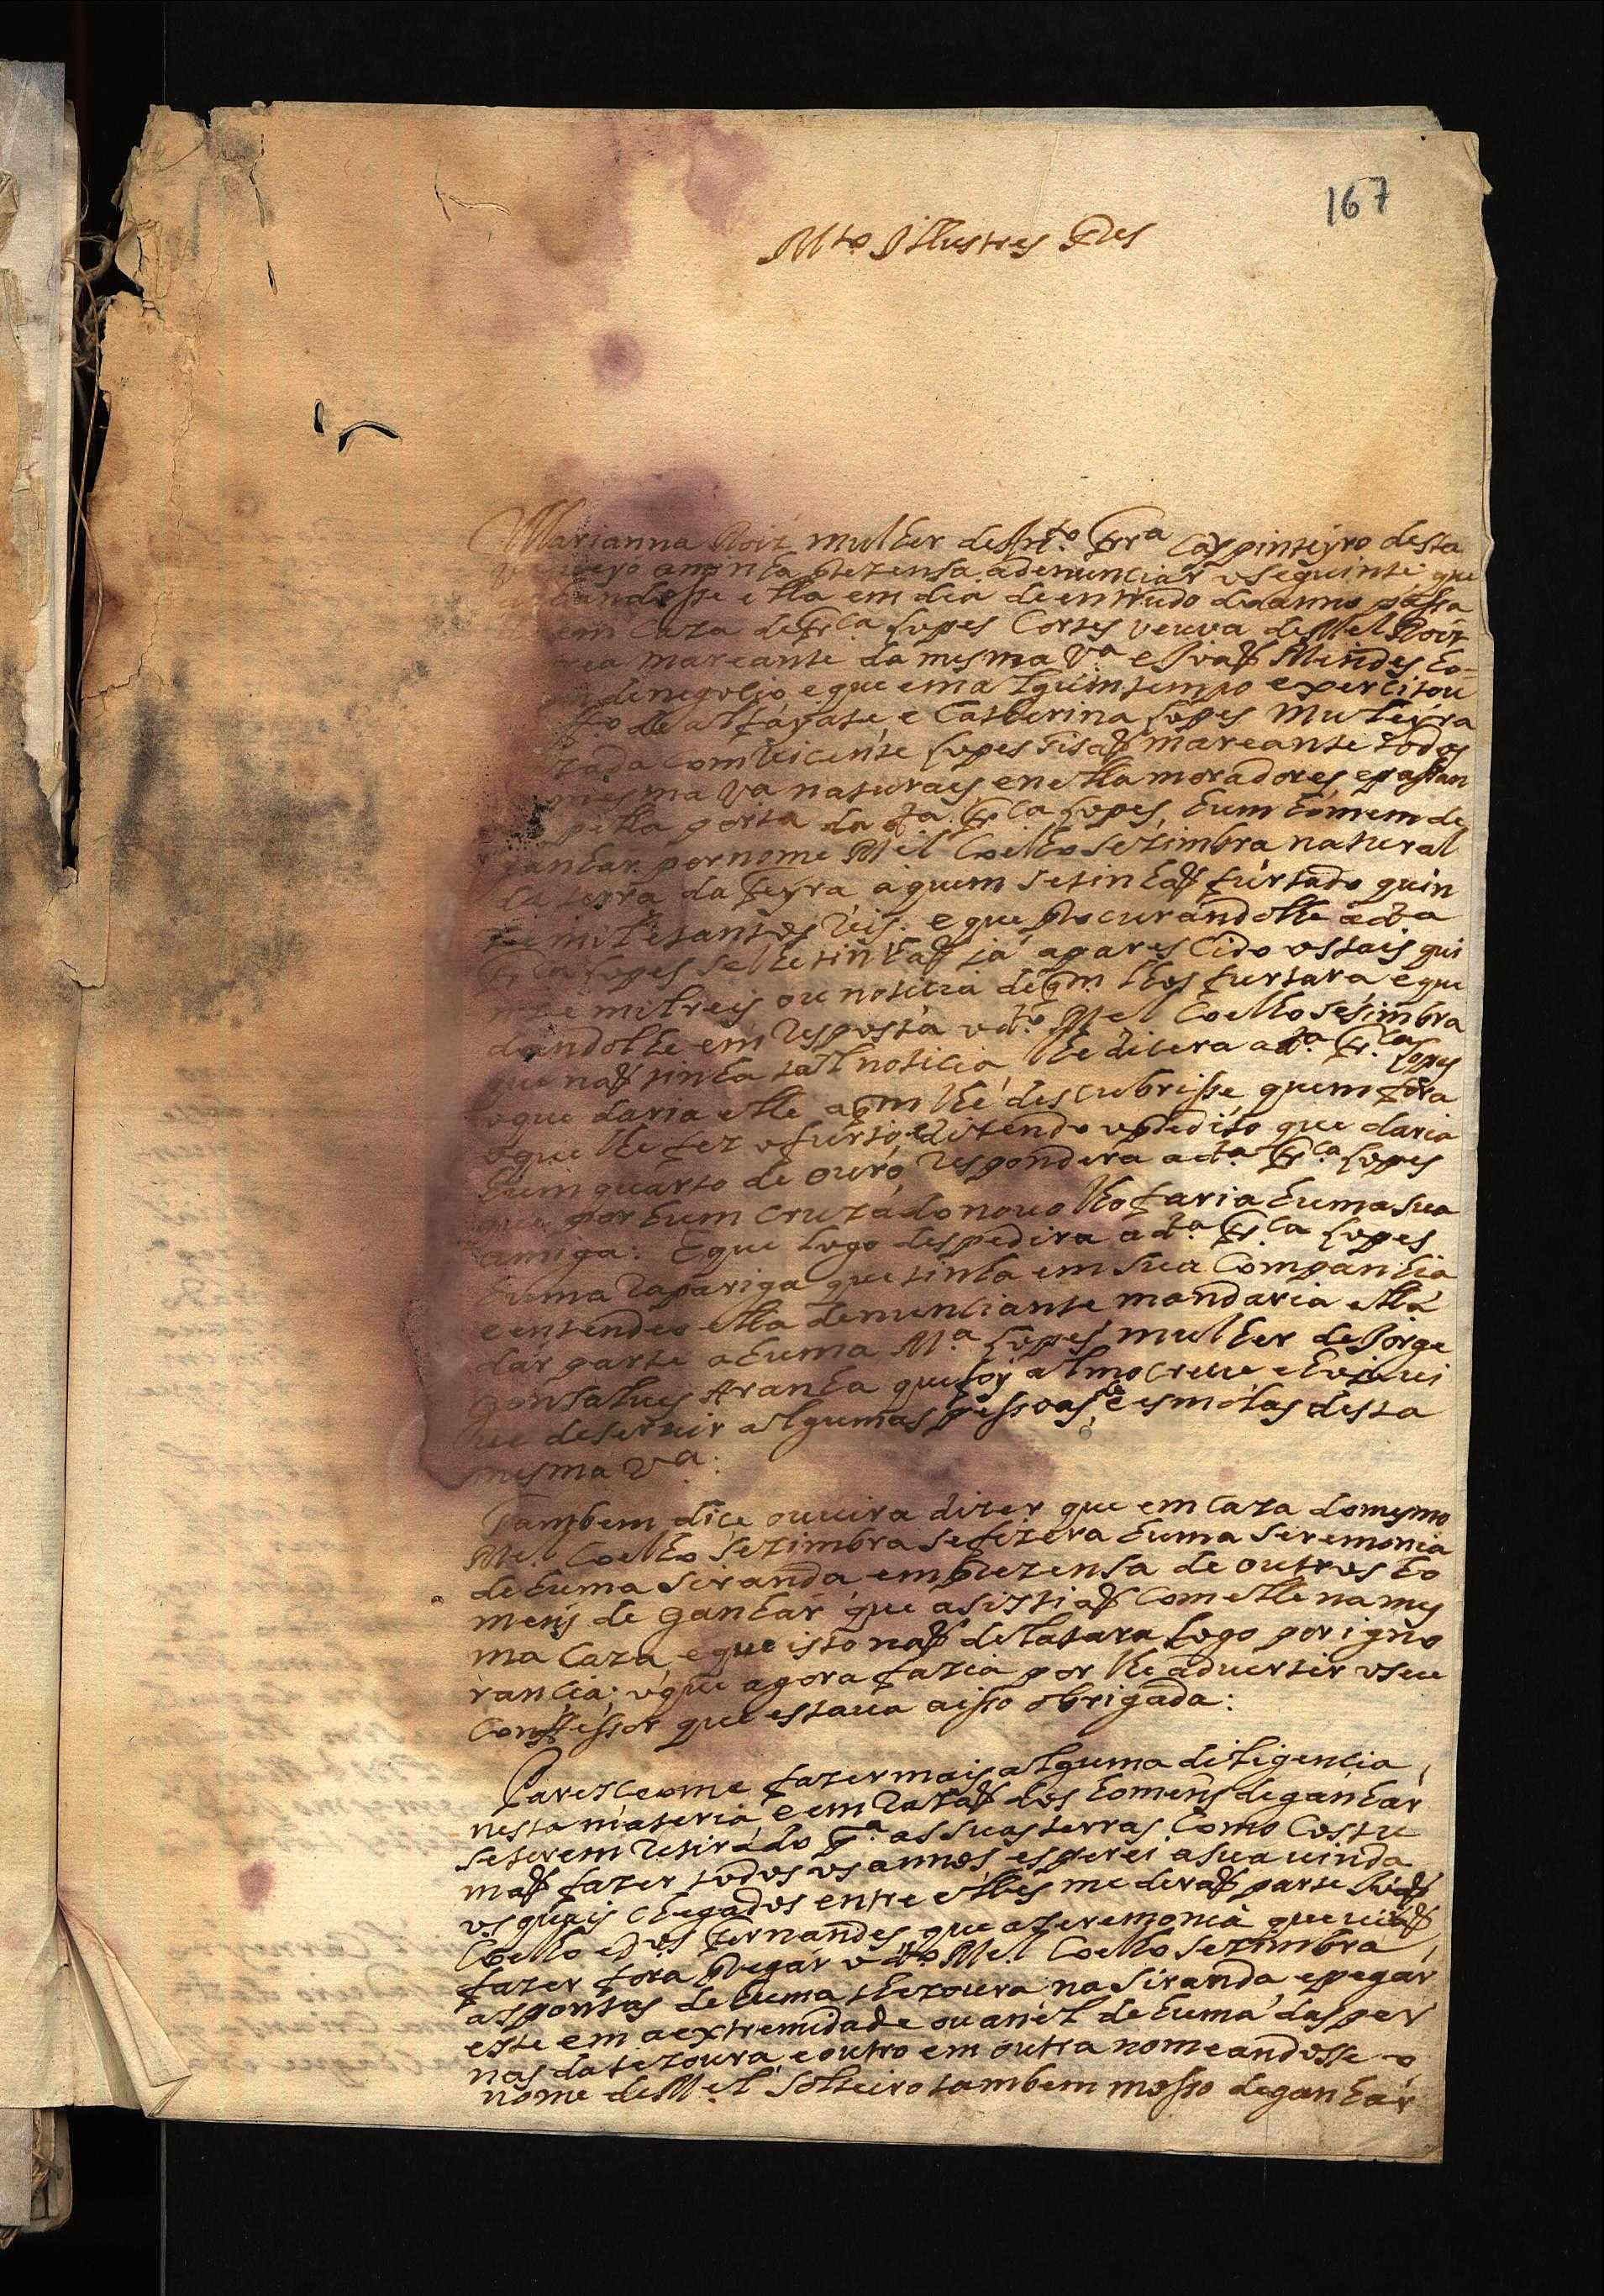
Mto Illustres sRes
Marianna Roiz̄ mulher de An.to Frra caypinteyro desta
Va veyo a minha prezensa a denunciar o seguinte que
achandosse ella em dia de entrudo do anno passa
em Caza de Fr.ca Lopes Cortes veuva de Mel Roiz̄
ia marcante da mesma V.a e Ioaõ Mindes, ho
mem de negocio, e que em algum tempo exercitou
ff.o de alfayate, e Catherina Lopes muLeyra
zada com vicente Lopes Tisaõ mareante todos
mesma va naturaes e nella moradores, e passan
pella porta da d̄a Frc.a Lopes, hum homem de
ganhar per nome M.el Coelho sezimbra, natural
da terra da Feyra, a quem se tinhaõ furtado quin
ze miL e tantos Reis; e que pRocurandolhe a d̄a
Fr.ca lopes se lhe tinhaõ iá aparescido os tais qui
nze miL reis ou noticia de qm lhos furtara, e que
dandolhe em Resposta o d̄.o Mel Coelho sesimbra
que naõ tinha tal noticia, lhe dicera a d̄.a Fr.cas Lopes
o que daria elle a qm lhe descubrisse quem fora
o que lhe fez o furto; e dizendo o pRedito que daria
hum quarto de ouro, Respondera a d̄.a Fr.ca Lopes
que por hum cruzado nouo lho faria huma sua
amiga: E que logo despedira a d.a Fr.ca Lopes
huma Rapariga que tinha em sua companhia
e entendeo ella denunciante mandaria ella
dar parte a huma M.a Lopes mulher de Jorge
gonsalues Aranha que foy almocreue, e hoie ui
ue de seruir algumas pessoas, e esmolas desta
mesma v.a:
Tambem dice ouuira dizer que em caza do mesmo
Me.l Coelho sezimbra se fizera huma seremonia
de huma siranda em pRezensa de outros ho
mens de ganhar que asistiaõ com elle na mes
ma caza, e que isto naõ delatara Logo por igno
rancia; o que agora fazia por lhe aduertir o seu
confessor que estaua a isso obrigada:
Paresceome fazer mais alguma diligencia,
nesta materia e em razaõ dos homen̄s de ganhar
se terem Retirado p.a as suas terras. como costu
maõ fazer todos os annos, esperei a sua uinda
os quais chegados entre elles me deraõ parte Ioaõ
Coelho e D.os Fernandes que a seremonia que uiraõ
fazer fora pRegar o d̄.o M.el Coelho Sezimbra,
as pontas de huma thezoura na siranda e pegar
este em a extremidade ou anél de huma das per
nas da tezoura, e outro em outra nomeandosse o
nome de M.el solteiro tambem mosso de ganhar
